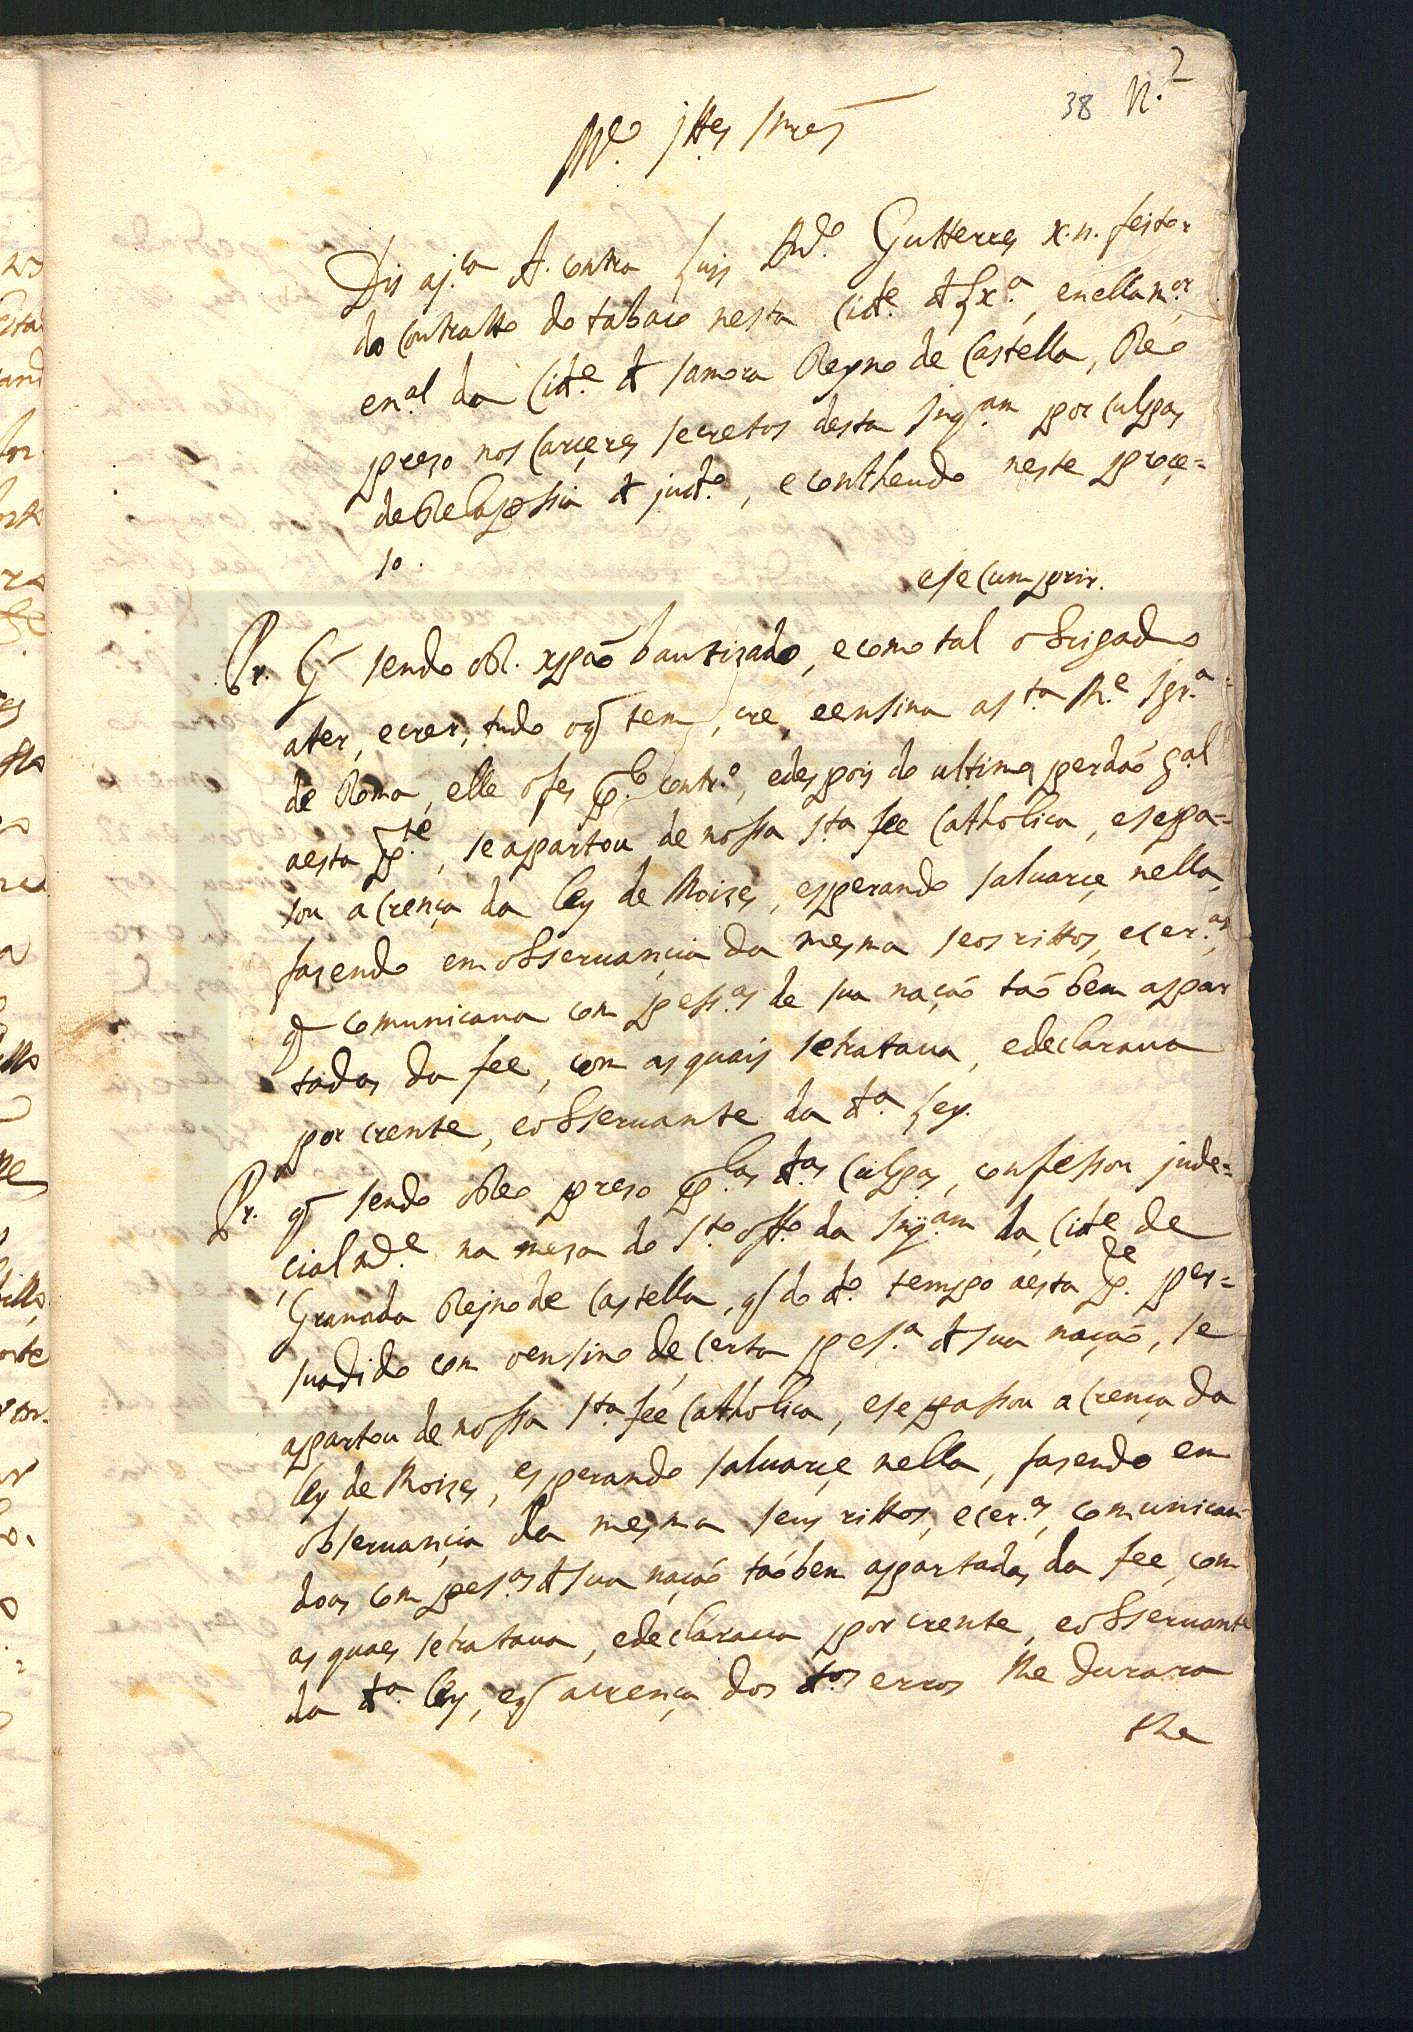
Mto. Ill.es Snres̄
Dis a j.ca A. contra Luis An.to Gutterres x. n. feitor
do Contratto do tabaco nesta Cid̄e. d̄ Lx.a, e nella m.or,
e n.al da Cid̄.e d̄ Samora Reyno de Castella, Reo
prezo nos Carçeres secretos desta Jnq.am por Culpas
de Relapsia d̄ jud̄.o, e contheudo neste proçe
so.
e se Cumprir.
Pr. Q sendo o R. xpaõ bautizado, e como tal obrigado
a ter, e crer, tudo o q̄ tem, cre, e ensina a sta. M.e Igr.a
de Roma, elle o fes p.lo contr.o, e despois do ultimo perdaõ g.al
a esta p.te, se apartou de nossa s.ta fee Catholica, e sepa
sou a Crença da ley de Moizes, esperando saluarçe nella,
fazendo em oberuançia da mesma seos rittos, e cer.as,
q̄ comunicaua com pess.as de sua naçaõ taõ bem apar
tadas da fee, com as quais se trataua, e declaraua
por crente, e obseruante da d̄a. Ley.
Pr. q̄ sendo o Reo preso p.las d̄.as Culpas, confessou jude
çialmte. na meza do S.to off.o da Inq.am da Çid̄e de
Granada Rejno de Castella, q̄ do d̄.o tempo a esta p.te per
suadido com o ensino de Çerta pes.a d̄ sua naçaõ, se
apartou de nossa Sta. fee Catholica, e se passou a Crença da
ley de Moizes, esperando saluarçe nella, fazendo em
obseruançia da mesma seus rittos, e cer.as, comunican
doas com pes.as d̄ sua naçaõ taõbem apartadas da fee, com
as quaes se trataua, e declaraua por crente, e obseruante
da d̄a. ley, e q̄ a crença dos d̄os. erros lhe durara
the
